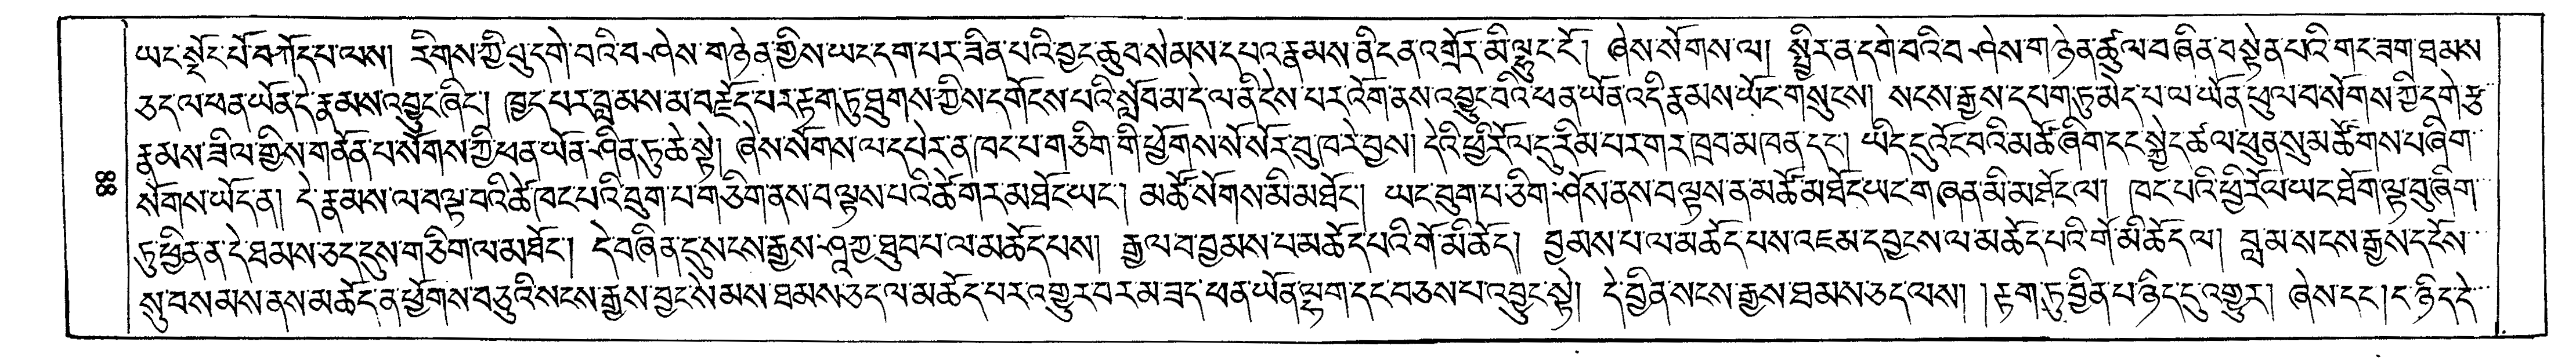ཡང་སྡོང་པོ་བཀོད་པ་ལས། རིགས་ཀྱི་བུ་དགེ་བའི་བཤེས་གཉེན་གྱིས་ཡང་དག་པར་ཟིན་པའི་བྱང་ཆུབ་སེམས་དཔའ་རྣམས་ནི་ངན་འགྲོར་མི་ལྟུང་ངོ། ཞེས་སོགས་ལ། སྤྱིར་ན་དགེ་བའི་བཤེས་གཉེན་ཚུལ་བཞིན་བསྟེན་པའི་གང་ཟག་ཐམས་
ཅད་ལ་ཕན་ཡོན་དེ་རྣམས་འབྱུང་ཞིང་། ཁྱད་པར་བླ་མས་མ་བརྗེད་པར་རྟག་ཏུ་ཐུགས་ཀྱིས་དགོངས་པའི་སློབ་མ་དེ་ལ་ནི་ངེས་པར་འོག་ནས་འབྱུང་བའི་ཕན་ཡོན་འདི་རྣམས་ཡོང་གསུངས། སངས་རྒྱས་དཔག་ཏུ་མེད་པ་ལ་ཡོན་ཕུལ་བ་སོགས་ཀྱི་དགེ་རྩ་
རྣམས་ཟིལ་གྱིས་གནོན་པ་སོགས་ཀྱི་ཕན་ཡོན་ཤིན་ཏུ་ཆེ་སྟེ། ཞེས་སོགས་ལ་དཔེར་ན་ཁང་པ་གཅིག་གི་ཕྱོགས་སོ་སོར་བུ་ཁ་རེ་བྱས། དེའི་ཕྱི་རོལ་དུ་རིམ་པར་གར་ཁྲབ་མཁན་དང་། ཡིད་དུ་འོང་བའི་མཚོ་ཞིག་དང་སྐྱེད་ཚལ་ཕུན་སུམ་ཚོགས་པ་ཞིག་
སོགས་ཡོད་ན། དེ་རྣམས་ལ་བལྟ་བའི་ཚེ་ཁང་པའི་བུག་པ་གཅིག་ནས་བལྟས་པའི་ཚེ་གར་མཐོང་ཡང་། མཚོ་སོགས་མི་མཐོང་། ཡང་བུག་པ་ཅིག་ཤོས་ནས་བལྟས་ན་མཚོ་མཐོང་ཡང་གཞན་མི་མཐོང་ལ། ཁང་པའི་ཕྱི་རོལ་ཡང་ཐོག་ལྟ་བུ་ཞིག་
ཏུ་ཕྱིན་ན་དེ་ཐམས་ཅད་དུས་གཅིག་ལ་མཐོང་། དེ་བཞིན་དུ་སངས་རྒྱས་ཤཱཀྱ་ཐུབ་པ་ལ་མཆོད་པས། རྒྱལ་བ་བྱམས་པ་མཆོད་པའི་གོ་མི་ཆོད། བྱམས་པ་ལ་མཆོད་པས་འཇམ་དབྱངས་ལ་མཆོད་པའི་གོ་མི་ཆོད་ལ། བླ་མ་སངས་རྒྱས་དངོས་
སུ་བསམས་ནས་མཆོད་ན་ཕྱོགས་བཅུའི་སངས་རྒྱས་བྱང་སེམས་ཐམས་ཅད་ལ་མཆོད་པར་འགྱུར་བར་མ་ཟད་ཕན་ཡོན་ལྷག་དང་བཅས་པ་འབྱུང་སྟེ། དེ་བྱིན་སངས་རྒྱས་ཐམས་ཅད་ལས། །རྟག་ཏུ་བྱིན་པ་ཉིད་དུ་འགྱུར། ཞེས་དང་། ད་ཉིད་དེ་